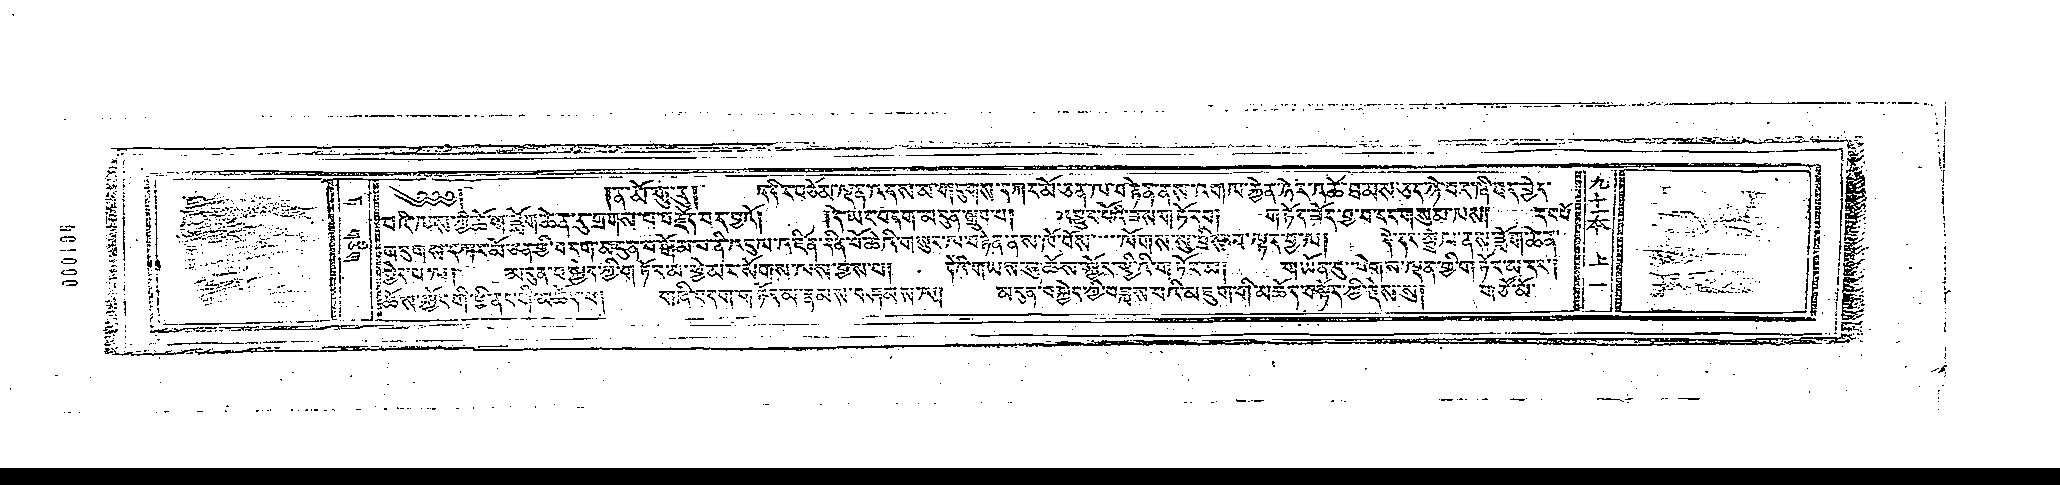༄༅༅། །ན་མོ་གུ་རུ། འདིར་བཅོམ་ལྡན་འདི་ས་མ་གདུགས་དཀར་མོ་ཅན་ལ་བརྟེན་ནས་འགལ་རྐྱེན་ཉེར་འཚེ་ཐམས་ཅད་ཉེ་བར་ཞི་བར་བྱེད་
པའི་ལས་ཀྱི་ཆོ་ག་ཟློག་ཆེན་དུ་གྲགས་པ་བརྗོད་པར་བྱའོ། །དེ་ཡང་བདག་མདུན་སྒྲུབ་པ། འབྱུང་པོའི་ཟས་གཏོང་པ། གཏོར་ཟོར་བྱ་བ་དང་གསུམ་ལས། དང་པོ་
གདུགས་དཀར་མོ་ཅན་གྱི་བདག་མདུན་བསྒོམ་པ་ནི་འདུལ་འཛིན་རིན་པོ་ཆེའི་གསུང་ལ་བརྟེན་ནས་ཁོ་བོས་ལོགས་སུ་བྲིས་པ་ལྟར་བྱ་ལ། དེ་དང་སྤྲེལ་ནས་ཟློག་ཆེན་
བྱེད་པ་ལ། མདུན་བསྐྱེད་ཀྱི་གཏོར་མ་ཕྱེ་མར་སོགས་ལས་བྱས་པ། དེའི་གཡས་སུ་ཆོས་སྐྱོང་སྤྱིའི་གཏོར་མ། གཡོན་དུ་ལེགས་ལྡན་གྱིས་གཏོར་མ་དང་།
ཆོས་སྐྱོང་གི་ཕྱི་ནང་གི་མཆོད་པ། །གཞི་བདག་གཏོར་མ་རྣམས་བཤམས་ལ། །མདུན་བསྐྱེད་ཀྱི་བཟླས་པའི་མཇུག་གི་མཆོད་བསྟོད་ཀྱི་རྗེས་སུ། གཙོ་བོ་